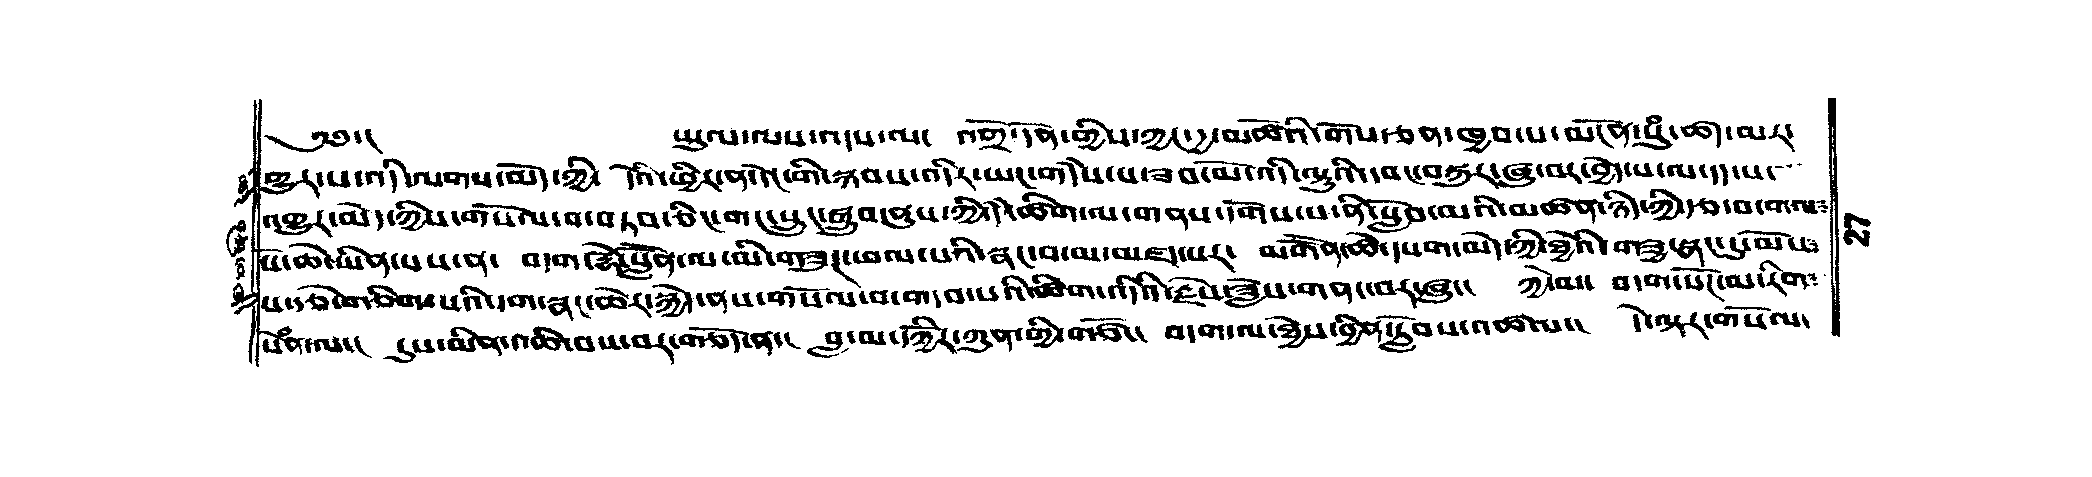ཡུལ་ལས་འདས་ལ། འགྲོ་དོན་གྱིས་ཀྱང་རྒྱ་མཚོའི་གོས་ཅན་ཁྱབ་པ་མངོན་སུམ་ཚད་མར་
གྱུར་པ་འདི་ལགས་མོད་ཀྱི། དེའི་ཕྱིར་ན་དེང་གི་སྐབས་འདིར་ཡང་གདམས་པ་ཟབ་མོ་འདི་ལྟ་བུའི་དབང་བསྐུར་ཞུ་བར་བྱེད་པ་ལ་དད་པ་
འགྱུར་མེད་ཀྱིས་གསོལ་བ་བཏབ་ཅིང་གང་སྲུང་སྒྲུབ་ནུས་ཀྱི་དམ་ཚིག་ལ་གནས་དགོས་པ་ནི་སློབ་མའི་མཚན་ཉིད་ཀྱི་རྩ་བ་གལ་
པོ་ཆེ་ཡིན་པས་ན།བདག་རྡོ་རྗེ་སློབ་དཔོན་ལ་མི་གཟུགས་ཕལ་པའི་སྣང་བ་མ་མཛད་པར། མགོན་པོ་ཚེ་དཔག་མེད་ཀྱི་ཐུགས་རྗེའི་གཟུགས་སྣང་དུ་མོས་
པ་རྩེ་གཅིག་པའི་དག་སྣང་ཆེར་སྐྱེད་ནས་གསོལ་བ་གདབ་པའི་ཚིག་འདིའི་རྗེས་ཟློས་གནང་བར་ཞུ། ཀྱེ་མ། བདག་སོགས་མ་རིག་
སེམས་ཅན་ལ། དུས་མིན་འཆི་བས་བར་གཅོད་ན། བླ་མ་དཀྱིལ་འཁོར་ཀུན་གྱི་གཙོ། བདག་ལ་ཐུགས་རྗེས་བྱིན་རློབས་འཚལ། དེ་ལྟར་གསོལ་